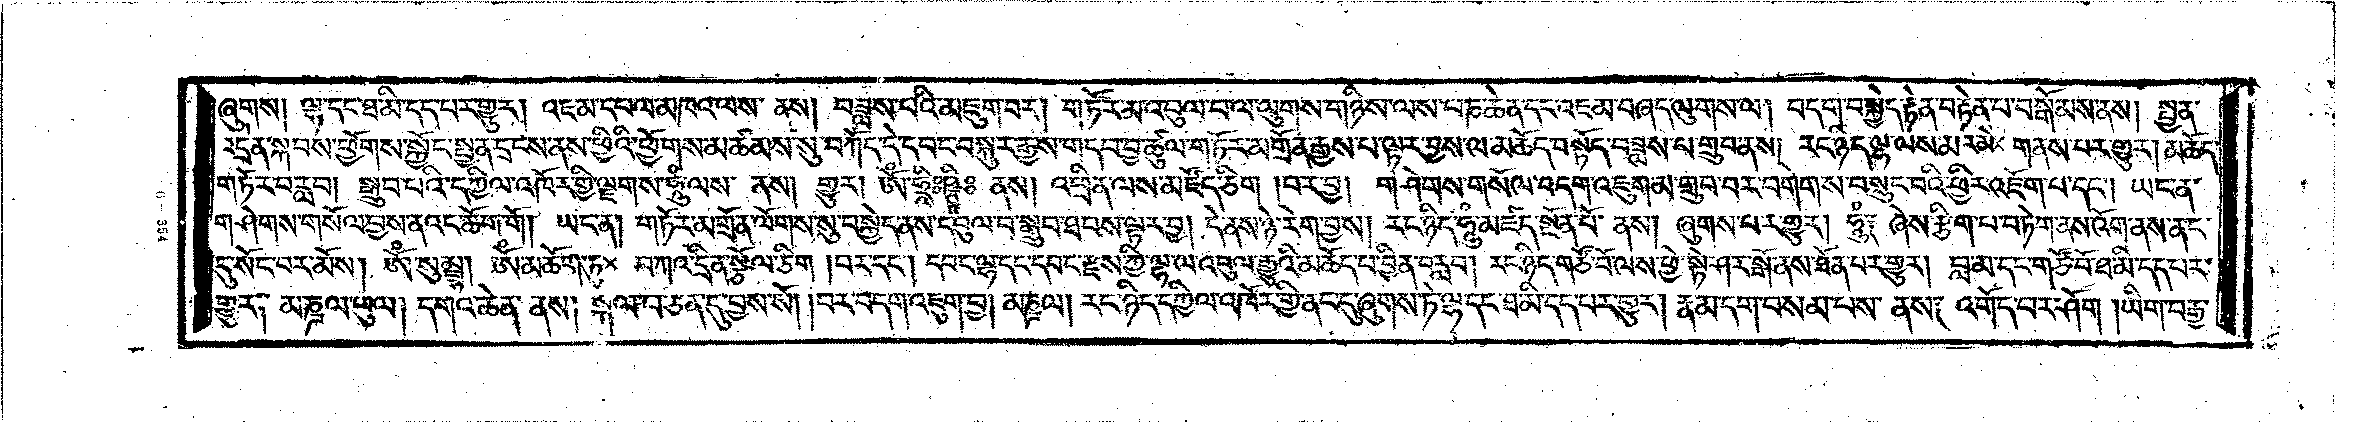ཞུགས། ལྷ་དང་ཐ་མི་དད་པར་གྱུར། འཇམ་དཔལ་མཁའ་ལས་ནས། བཟླས་པའི་མཇུག་པར། གཏོར་མ་འབུལ་བ་ལ་ལུགས་གཉིས་ལས་པཎ་ཆེན་དང་འཇམ་བཞད་ལུགས་ལ། བདག་བསྐྱེད་རྟེན་བརྟེན་པ་བསྒོམས་ནས། སྤྱན་
འདྲེན་སྐབས་ཕྱོགས་སྐྱོང་སྤྱན་དྲངས་ནས་ཕྱིའི་ཕྱོགས་མཚམས་སུ་བཀོད་དེ་དབང་བསྐུར་རྒྱས་གདབ་བྱ་ཚུལ་གཏོར་མགྲོན་རྒྱས་པ་ལྟར་བྱས་ལ་མཆོད་བསྟོད་བཟླས་པ་གྲུབ་ནས། རང་ཉིད་ལྷ་ལས་མར་མེད་གནས་པར་གྱུར། མཆོད་
གཏོར་བརླབ། སྒྲུབ་པའི་དཀྱིལ་འཁོར་གྱི་ལྗགས་ཧཱུཾ་ལས་ནས། གྱུར། ཨོཾ་ཧྲཱིཿཥྚཱིཿ ནས། འཕྲིན་ལས་མཛོད་ཅིག །བར་བྱ། གཤེགས་གསོལ་བདག་འཇུག་མ་གྲུབ་པར་བགེགས་བསྲུང་པའི་ཕྱིར་འཇོག་པ་དང་། ཡང་ན་
གཤེགས་གསོལ་བྱས་ནའང་ཆོག་གོ། ཡང་ན། གཏོར་མགྲོན་ལོགས་སུ་བསྐྱེད་ནས་དབུལ་བ་སྒྲུབ་ཐབས་ལྟར་བྱ། དེ་ནས་ཉེ་རེག་བྱས། རང་ཉིད་ཧཱུཾ་མཛད་སྔོན་པོ་ནས། ཞུགས་པར་གྱུར། ཧཱུཾ༑ ཞེས་རྩིག་པ་བཏེག་ནས་འོག་ནས་ནང་
དུ་སོང་བར་མོས། ཨོཾ་སུ་མྦྷ། ཨོཾ་མཆོག་ཏུ་྾་བཀའ་དྲིན་སྩོལ་ཅིག །བར་དང་། དབང་ལྷ་དང་དབང་རྫས་ཀྱི་ལྷ་ལ་འབུལ་རྒྱུའི་མཆོད་པ་བྱིན་བརླབ། རང་ཉིད་གཙོ་བོ་ལས་ཕྱེ་སྟེ་ཤར་སྒོ་ནས་ཐོན་པར་གྱུར། བླ་མ་དང་གཙོ་བོ་ཐ་མི་དད་ཕར་
གྱུར༑ མཎྜལ་ཕུལ། དགའ་ཆེན་ནས། སྐལ་བ་ཅན་དུ་བྱས་སོ། །བར་བདག་འཇུག་བྱ། མཎྜལ། རང་ཉིད་དཀྱིལ་འཁོར་གྱི་ནང་དུ་ཞུགས་ཏེ་ལྷ་དང་ཐ་མི་དད་པར་གྱུར། རྣམ་དག་བསམ་པས་ནས༑ འགོད་པར་ཤོག །ཡིག་བརྒྱ་